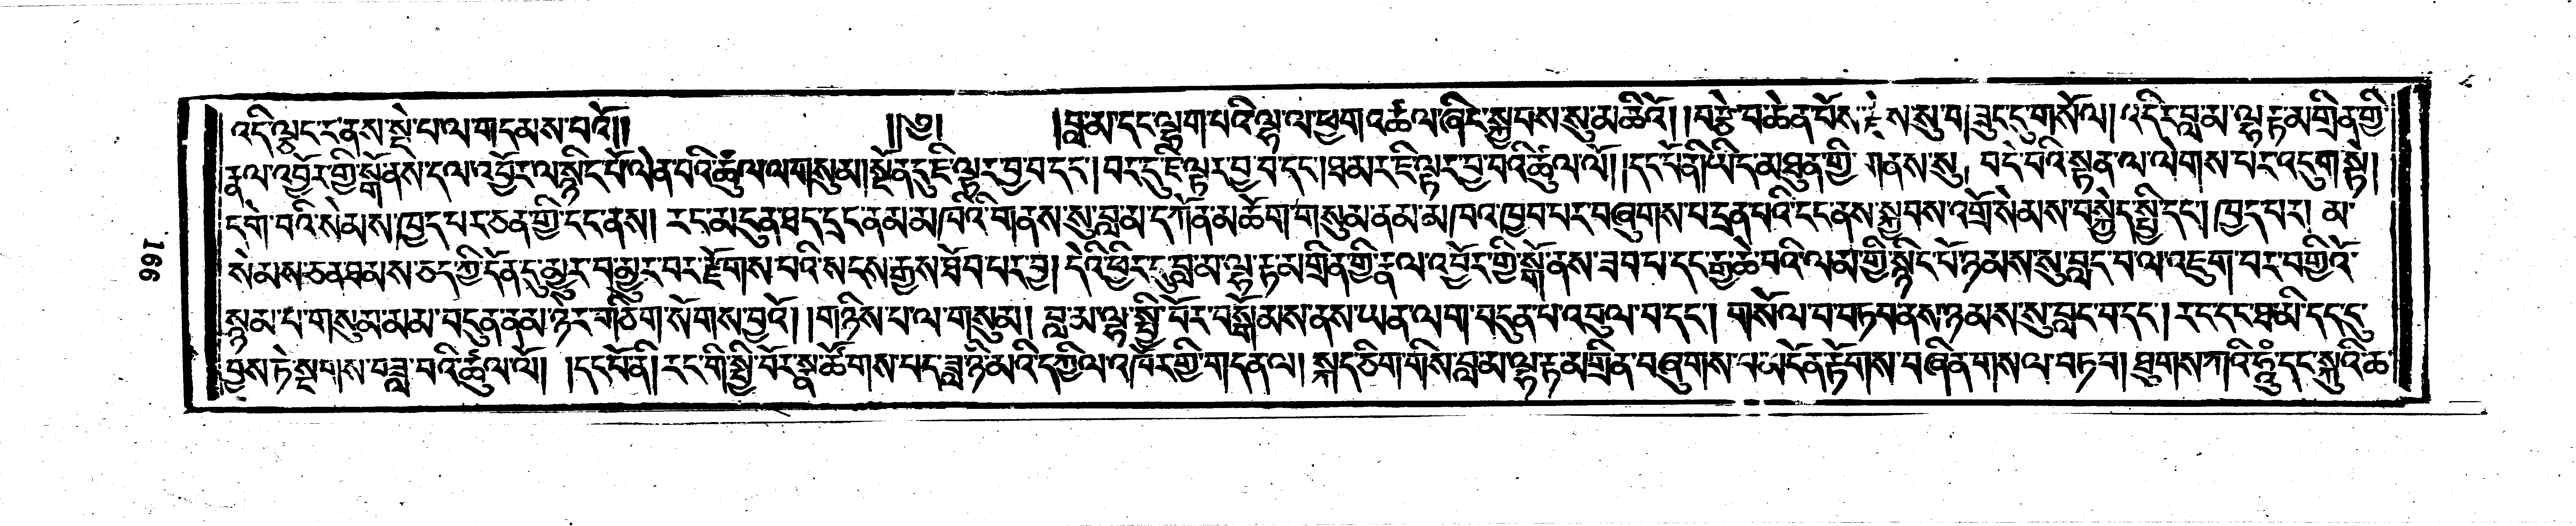༄༅། །བླ་མ་དང་ལྷག་པའི་ལྷ་ལ་ཕྱག་འཚལ་ཞིང་སྐྱབས་སུ་མཆིའོ། །བརྩེ་བ་ཆེན་པོས་རྗེས་སུ་གཟུང་དུ་གསོལ། འདིར་བླ་མ་ལྷ་རྟ་མགྲིན་གྱི་
རྣལ་འབྱོར་གྱི་སྒོ་ནས་དལ་འབྱོར་ལ་སྙིང་པོ་ལེན་པའི་ཚུལ་ལ་གསུམ། སྔོན་དུ་ཇི་ལྟར་བྱ་བ་དང་། བར་དུ་ཇི་ལྟར་བྱ་བ་དང་། ཐ་མར་ཇི་ལྟར་བྱ་བའི་ཚུལ་ལོ། །དང་པོ་ནི། ཡིད་མཐུན་གྱི་གནས་སུ། བདེ་བའི་སྟན་ལ་ལེགས་པར་འདུག་སྟེ།
དགེ་བའི་སེམས་ཁྱད་པར་ཅན་གྱི་ངང་ནས། རང་མདུན་ཐད་དྲང་ནམ་མཁའི་གནས་སུ་བླ་མ་དཀོན་མཆོག་གསུམ་ནམ་མཁའ་ཁྱབ་པར་བཞུགས་པ་དྲན་པའི་ངང་ནས་སྐྱབས་འགྲོ་སེམས་བསྐྱེད་སྤྱི་དང་། ཁྱད་པར། མ་
སེམས་ཅན་ཐམས་ཅད་ཀྱི་དོན་དུ་མྱུར་བ་མྱུར་བར་རྫོགས་པའི་སངས་རྒྱས་ཐོབ་པར་བྱ། དེའི་ཕྱིར་དུ་བླ་མ་ལྷ་རྟ་མགྲིན་གྱི་རྣལ་འབྱོར་གྱི་སྒོ་ནས་ཟབ་པ་དང་རྒྱ་ཆེ་བའི་ལམ་གྱི་སྙིང་པོ་ཉམས་སུ་བླང་བ་ལ་འཇུག་པར་བགྱིའོ་
སྙམ་པ་གསུམ་མམ་བདུན་ནམ་ཉེར་གཅིག་སོགས་བྱའོ། །གཉིས་པ་ལ་གསུམ། བླ་མ་ལྷ་སྤྱི་བོར་བསྒོམས་ནས་ཡན་ལག་བདུན་པ་འབུལ་བ་དང་། གསོལ་བ་བཏབ་ནས་ཉམས་སུ་བླང་བ་དང་། རང་དང་ཐ་མི་དད་དུ་
བྱས་ཏེ་སྔགས་བཟླ་བའི་ཚུལ་ལོ། །དང་པོ་ནི། རང་གི་སྦྱི་བོར་སྣ་ཚོགས་པད་ཟླ་ཉི་མའི་དཀྱིལ་འཁོར་གྱི་གདན་ལ། སྐད་ཅིག་གིས་བླ་མ་ལྷ་རྟ་མགྲིན་བཞུགས་པ་མངོན་རྟོགས་བཞིན་གསལ་བཏབ། ཐུགས་ཀའི་ཧཱུཾ་དང་སྐུའི་ཆ་